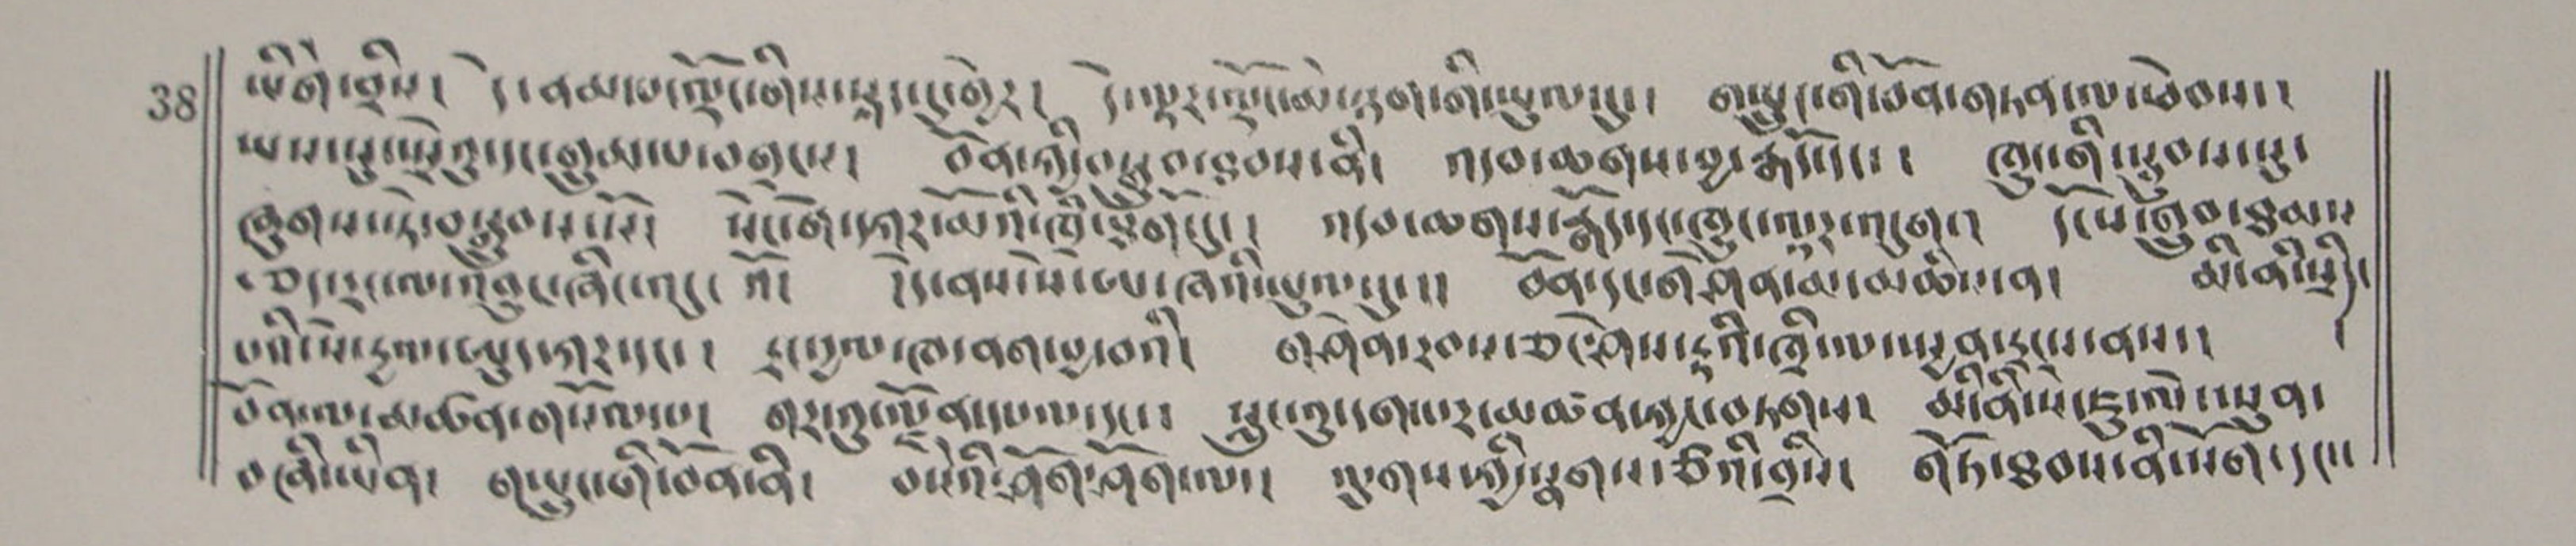ཡི་གེ་བྲིས། དེ་ནས་ནམ་པ་ལྡོང་གི་སྐད་དུ་གྱེར། དེ་ལྟར་ལྡོང་མེ་ཉག་གི་ཡུལ་དུ། གཡུང་དྲུང་གི་བོན་གཏན་ལ་ཕེབས། །
ཡས་སུ་སྤྲེའུ་དང་གྲུམ་པ་བགྲངས། བོན་གྱི་བསྒྲུབ་ཐབས་ནི། འདབ་ཆགས་རྒོད་དང་། ཁྱུང་གི་སྦུབས་སུ་
ཞུགས་ཏེ་བསྒྲུབས་སོ། སེང་གེ་དཀར་མོའི་ཁྲི་ཐོག་ཏུ། འདབ་ཆགས་རྒོད་དང་ཁྱུང་ལྟར་འདུག དངོས་གྲུབ་ཐམས་
ཅད་རང་ལ་འབྱུང་ཞིང་འདུ་འོ། །དེ་ནས་སེ་ཨ་ཞའི་ཡུལ་དུ། བོན་དང་གཤེན་མ་མཆིས་ན། མིང་ནི་སྲིད་
པའི་སེ་རྒྱལ་ཨུད་དཀར་དང་། དྲང་རྒྱལ་ཁ་ནག་བྱ་བའི། གཤེན་རབས་ཅང་ཤེས་རྟའི་ཁྲི་ལ་སྤྱན་དྲངས་ནས། 
བོན་ལ་མཚན་གསོལ་བ། གར་ནུ་ལྗོན་དཔལ་དང་། སླུང་འུ་དག་པར་མཚན་ཀྱང་བཏགས། མི་ནི་སེ་ཇུ་ལེ་སུན་
བཞི་ཡིན། གཡུང་དྲུང་གི་བོན་ནི། བསེ་ཤོག་ཤོག་ལ། ལྕགས་ཀྱི་སྣགས་ཙའི་བྲིས། གཏོའ་ཐབས་ནི་སོག་དང་